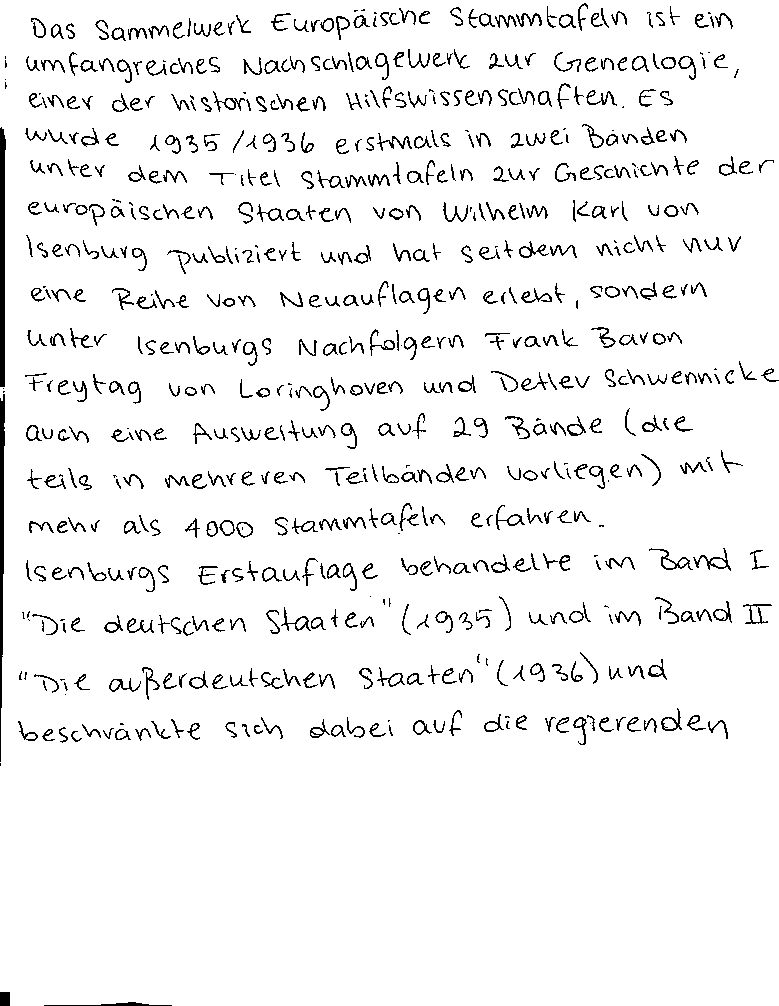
Das Sammelwerk Europäische Stammtafeln ist ein
umfangreiches Nachschlagewerk zur Genealogie,
einer der historischen Hilfswissenschaften. Es
wurde 1935/1936 erstmals in zwei Bänden
nter dem Titel Stammtafeln zur Geschichte der
europäischen Staaten von Wilhelm Karl von
Isenburg publiziert und hat seitdem nicht nur
nur eine Reihe von Neuauflagen erlebt, sondern
unter Isenburgs Nachfolgern Frank Baron
Freytag von Loringhoven und Detlev Schwennicke
auch eine Ausweitung auf 29 Bände (die
teils in mehreren Teilbänden vorliegen) mit
mehr als 4000 Stammtafeln erfahren.
Isenburgs Erstauflage behandelte im Band I
"Die deutschen Staaten" (1935) und im Band II
"Die außerdeutschen Staaten" (1936) und
beschränkte sich dabei auf die regierenden
